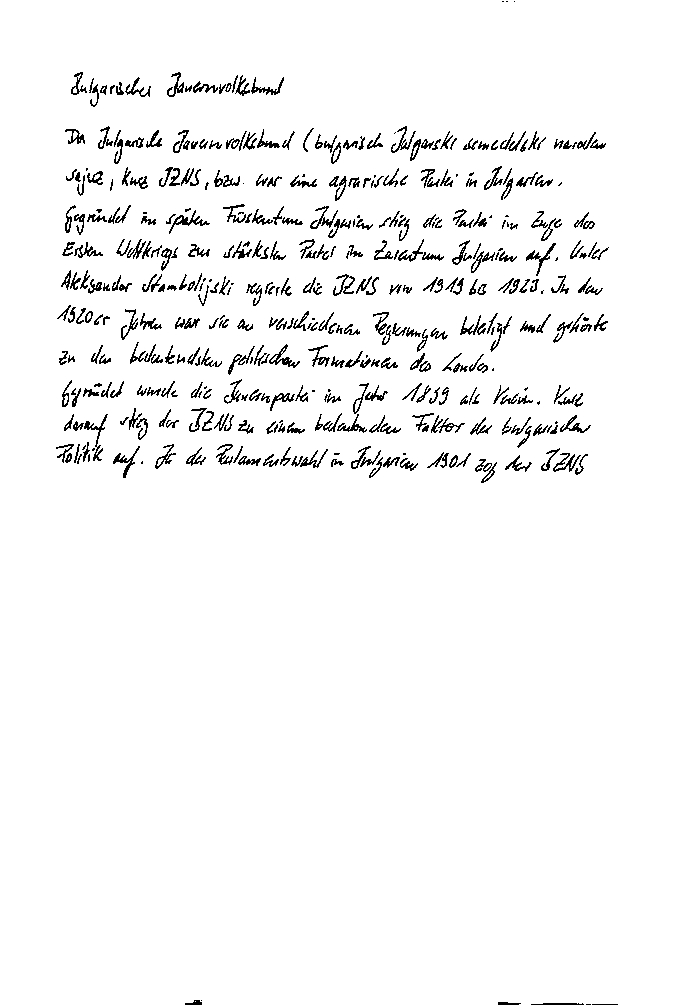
Bulgarischer Bauernvolksbund
Der Bulgarische Bauernvolksbund (bulgarisch Balgarski semedelski naroden
sajuz, kurz BZNS, bzw. war eine agrarische Partei in Bulgarien.
Gegründet im späten Fürstentum Bulgarien stieg die Partei im Zuge des
Ersten Weltkriegs zur stärksten Partei im Zarentum Bulgarien auf. Unter
Aleksandar Stambolijski regierte die BZNS von 1919 bis 1923. In den
1930er Jahren war sie an verschiedenen Regierungen beteiligt und gehörte
zu den bedeutendsten politischen Formationen des Landes.
Gegründet wurde die Bauernpartei im Jahr 1899 als Verein. Kurz
darauf stieg der BZNS zu einem bedeutenden Faktor der bulgarischen
Politik auf. Bei der Parlamentswahl in Bulgarien 1901 zog der BZNS
